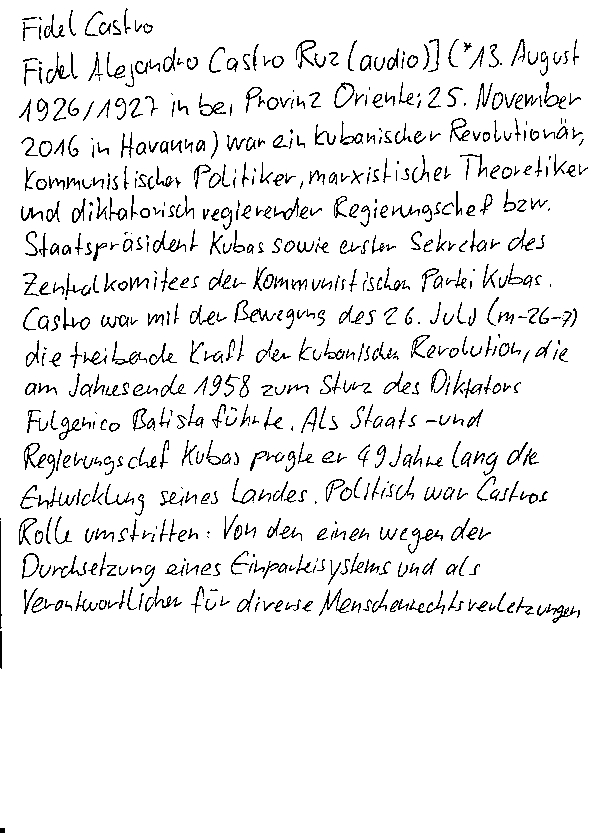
Fidel Castro
Fidel Alejandro Castro Ruz ( audio)] (* 13. August
1926/1927 in bei Provinz Oriente; 25. November
2016 in Havanna) war ein kubanischer Revolutionär,
kommunistischer Politiker, marxistischer Theoretiker
und diktatorisch regierender Regierungschef bzw.
Staatspräsident Kubas sowie erster Sekretär des
Zentralkomitees der Kommunistischen Partei Kubas
Castro war mit der Bewegung des 26. Juli (M-26-7)
die treibende Kraft der kubanischen Revolution, die
am Jahresende 1958 zum Sturz des Diktators
Fulgencio Batista führte. Als Staats- und
Regierungschef Kubas prägte er 49 Jahre lang die
Entwicklung seines Landes. Politisch war Castros
Rolle umstritten: Von den einen wegen der
Durchsetzung eines Einparteiensystems und als
Verantwortlicher für diverse Menschenrechtsverletzungen
